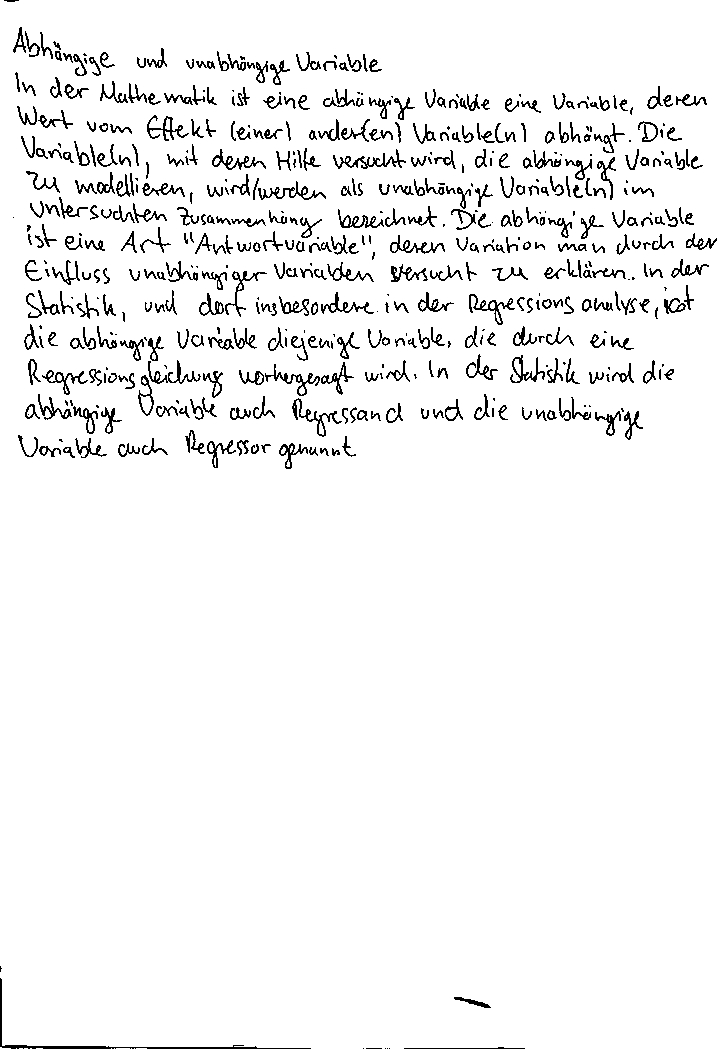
Abhängige und unabhängige Variable
In der Mathematik ist eine abhängige Variable eine Variable, deren
Wert Vom Effekt (einer) anderer(en) Variable(n) abhängt Die
Variable(n) , mit deren Hilfe versucht wird, die abhängige Variable
zu modellieren , wird/werden als unabhängig Variable(n) im
untersuchten Zusammenhang bezeichnet. Die abhängige Variable
ist eine Art "Antwortvariable", deren Variation man durch den
Einfluss unabhängiger Variablen versucht zu erklären in der
Statistik, und dort insbesondere in der Regressions analyse, ist
die abhängige Variable diejenige Variable die durch eine
Regressionsgleichung vorhergesagt wird. In der Statistik wird die
abhängige Variable auch Regressand und die unabhängige
Variable auch Regressor genannt
